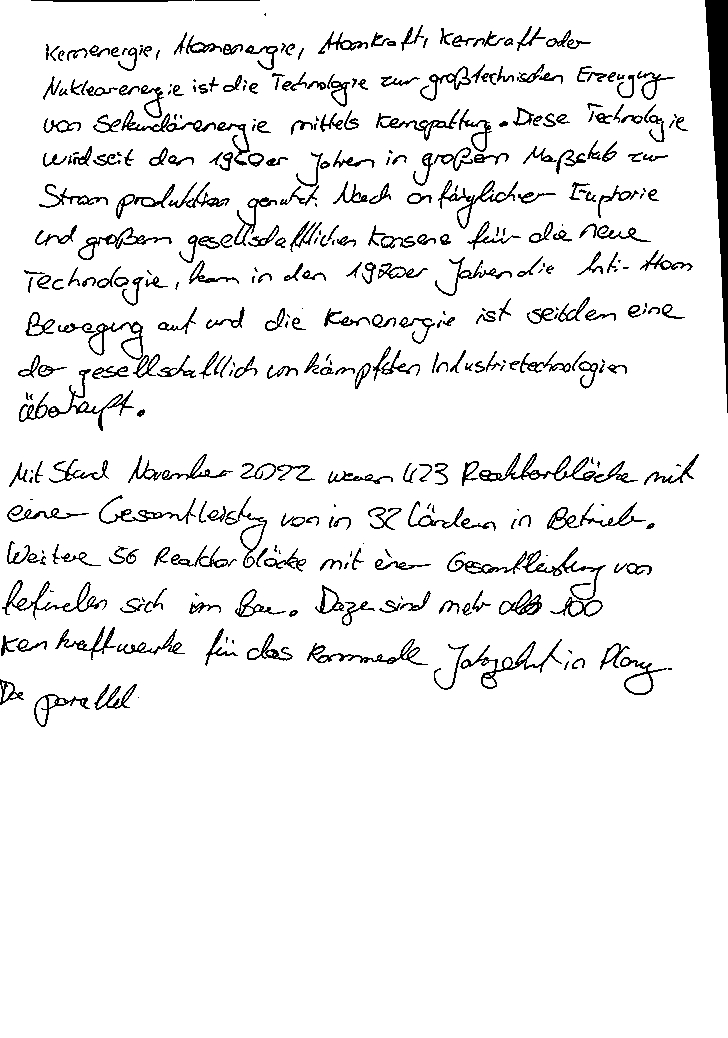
Kernenergie, Atomenergie, Atomkraft, Kernkraft oder
Nuklearenergie ist die Technologie zur großtechnischen Erzeugung
von Sekundärenergie mittels Kernspaltung. Diese Technologie
wird seit den 1950er Jahren in großem Maßstab zur
Stromproduktion genutzt. Nach anfänglicher Euphorie
und großem gesellschaftlichen Konsens für die neue
Technologie, kam in den 1970er Jahren die Anti-Atom
Bewegung auf und die Kernenergie ist seitdem eine
der gesellschaftlich umkämpftesten Industrietechnologien
überhaupt.
Mit Stand November 2022 waren 423 Reaktorblöcke mit
einer Gesamtleistung von in 32 Ländern in Betrieb.
Weitere 56 Reaktorblöcke mit einer Gesamtleistung von
befinden sich in Bau. Dazu sind mehr als 100
Kernkraftwerke für das kommende Jahrzehnt in Planung.
Da parallel
